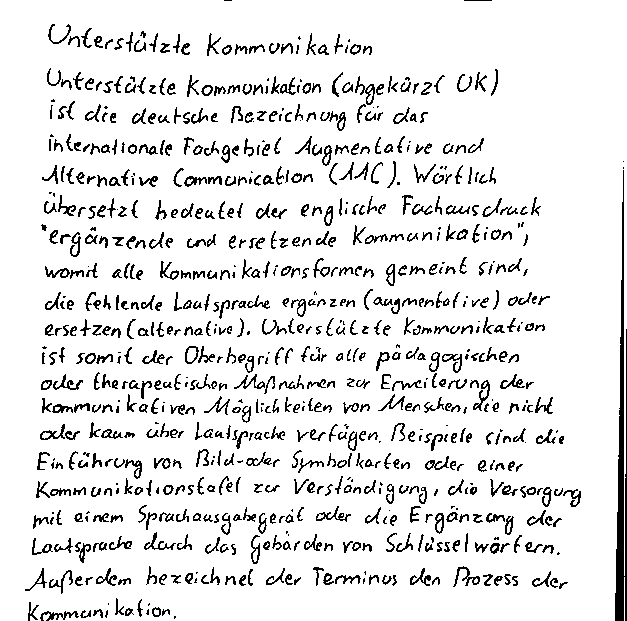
Unterstützte Kommunikation
Unterstützte Kommunikation (abgekürzt UK)
ist die deutsche Bezeichnung Für das
Internationale Fachgebiet Augmentative and
Alternative Communication (AAC). Wörtlich
übersetzt bedeutet der englische Fachausdruck
"ergänzende und ersetzende Kommunikation")
womit alle Kommunikationsformen gemeint Sind,
die fehlende Lautsprache ergänzen (augmentative) oder
ersetzen (alternativ). Unterstützte Kommunikation
ist somit der Oberbegriff für alle pädagogischen
oder therapeutischen Maßnahmen zur Erweiterung der
kommunikativen Möglichkeiten von Menschen, die nicht
oder Kaum über Lautsprache verfügen. Beispiele sind die
Ein Führung von Bild-oder Symbolkarten oder einer
Kommunikationstafel zur Verständigung. die Versorgung
mit einem Sprachausgabegerät oder die Ergänzung der
Lautsprache durch das Gebärden Von Schlüsselwörtern.
Außerdem bezeichnet der Terminus den Prozess der
Kommunikation
